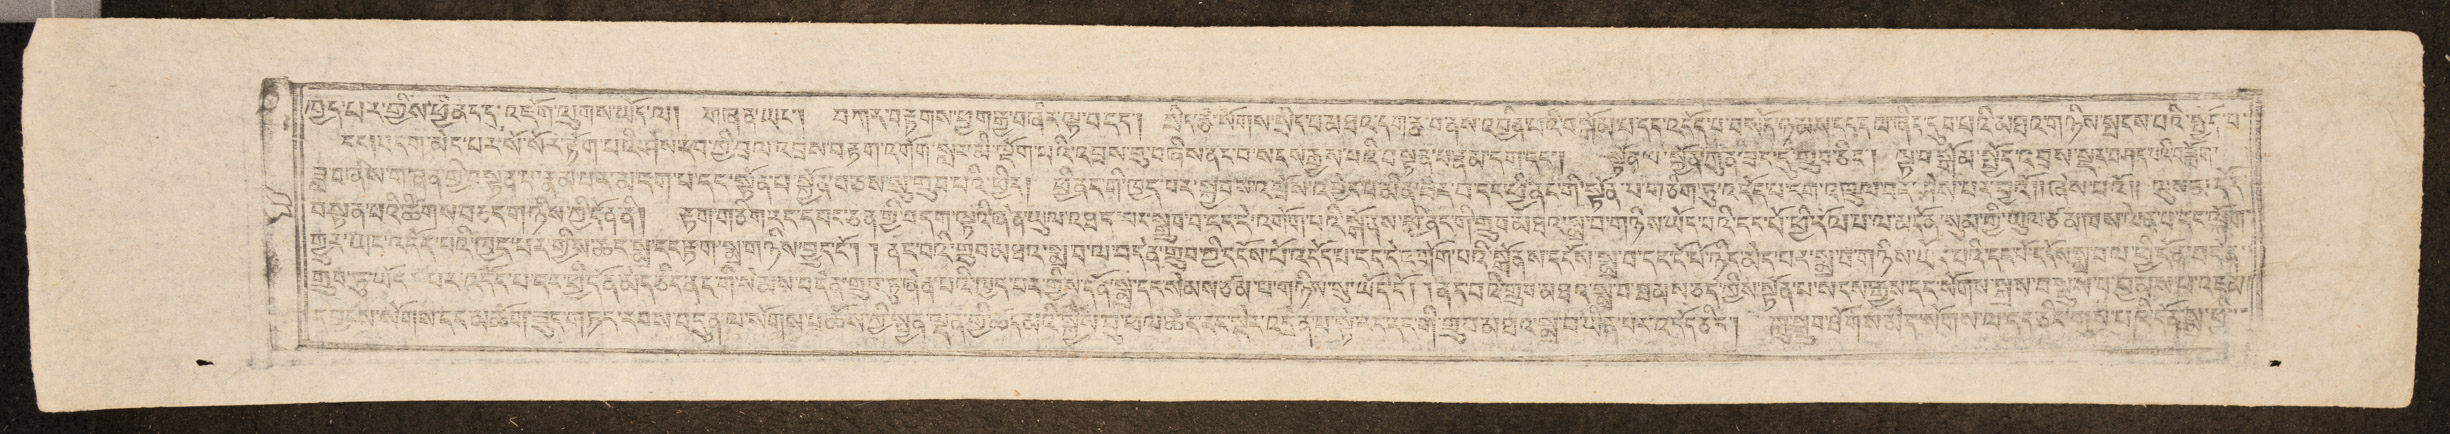ཁྱད་པར་གྱིས་ཕྱི་ནང་དུ་འཇོག་ལུགས་ཡོད་ལ། གཞན་ཡང་། བཀར་བརྟགས་ཕྱག་རྒྱ་བཞིར་ལྟ་བ་དང་། སྲིད་རྩེ་སོགས་སྲིད་པ་མཐའ་དག་རྩ་བ་ནས་འབྱིན་པའི་བསྒོམ་པ་དང་དོད་པ་བསོད་ཉམས་དང་དལ་ཞིང་དུབ་པའི་མཐའ་གཉིས་སྤངས་པའི་སྤྱད་པ་
དང་། བདག་མེད་པར་སོ་སོར་རྟོག་པའི་ཤེས་རབ་ཀྱི་བྲལ་འབྲས་བརྟག་འགོག་སླར་མི་ལྡོག་པའི་འབྲས་བུ་བཞིས་ནང་བ་སངས་རྒྱས་པའི་བསྟན་པ་རྣམ་དག་དང་། སྟོན་པ་སྐྱོན་ཀུན་ཟང་དུ་གྲུབ་ཅིང་། ལྟ་བསྒོམ་སྤྱོད་འབྲས་སྔར་བཤད་པའི་བཟློག་
ཟླ་བ་ཞིས་གཞན་གྱི་བསྟན་པ་རྣམ་པར་མ་དག་པ་དང་སྟོན་པ་སྐྱོན་བཅས་སུ་གྲུབ་པའི་ཕྱིར། ཕྱི་ནང་གི་ཁྱད་པར་སྐྱབས་འགྲོས་འབྱེད་པ་མིན་ཟེར་བ་དང་ཕྱི་ནང་གི་སྟོན་པ་གཅིག་ཏུ་འདོད་པ་དག་འཁྲུལ་བར་ཤེས་པར་བྱའོ། །ཞེས་པའོ།། ལུས་མདོར་
བསྟན་པའི་ཚིགས་བཅད་གཉིས་ཀྱི་དོན་ནི། རྟག་གཅིག་རང་དབང་ཅན་གྱི་བདག་ལྟའི་ཞེན་ཡུལ་འཐད་པར་སྒྲུབ་བ་དང་དེ་འགོག་པའི་སྒོ་ནས་ཕྱི་ནང་གི་གྲུབ་མཐའ་སྨྲ་བ་གཉིས་ཡོད་པའི་དང་པོ་ཕྱི་རོལ་པ་ལ་མངོན་སུམ་གྱི་ཡུལ་ཙམ་ཁས་ལེན་པ་དང་ལྐོག་
གྱུར་ཡང་འདོད་པའི་ཁྱད་པར་གྱིས་ཆང་སྨྲ་ངང་རྟག་སྨྲ་གཉིས་བྱུང་ངོ། །ནང་བའི་གྲུབ་མཐའ་སྨྲ་བ་ལ་བདེན་གྲུབ་ཀྱི་དངོས་པོ་འདོད་པ་དང་དེ་འགོག་པའི་སྒོ་ནས་དངོས་སྨྲ་བ་དང་ངོ་བོ་ཉིད་མེད་པར་སྨྲ་བ་གཉིས་ཡོད་པའི་དང་པོ་དངོས་སྨྲ་བ་ལ་ཕྱི་དོན་བདེན་
གྲུབ་ཏུ་ཡོད་པར་འདོད་པ་དང་ཕྱི་དོན་མེད་ཅིང་ནང་གི་སེམས་བདེན་གྲུབ་ཏུ་ཞེན་པའི་ཁྱད་པར་གྱིས་དོན་སྨྲ་དང་སེམས་ཙམ་པ་གཉིས་སུ་ཡོད་དོ། །ནང་བའི་གྲུབ་མཐའ་སྨྲ་བ་ཐམས་ཅད་ཀྱིས་སྟོན་པ་སངས་རྒྱས་དང་སོགས་སྒྲས་བསྡུས་པ་བྱམས་པ་འཇམ་
དབྱངས་སོགས་དང་མཆོག་ཟུང་གཏད་རབས་བདུན་ལ་སོགས་པ་ཆོས་ཀྱི་སྤྱན་ལྡན་གྱི་ཚད་མའི་སྐྱེས་བུ་ཕལ་ཆེར་རང་སྡེར་འདྲེན་པ་སྟེ་རང་རང་གི་གྲུབ་མཐའ་སྨྲ་བ་ཡིན་པར་འདོད་ཅིང་། ཀླུ་སྒྲུབ་ཐོགས་མེད་སོགས་ལ་དད་ཅིང་གུས་པའི་དོན་སྨྲ་ཕྱི་